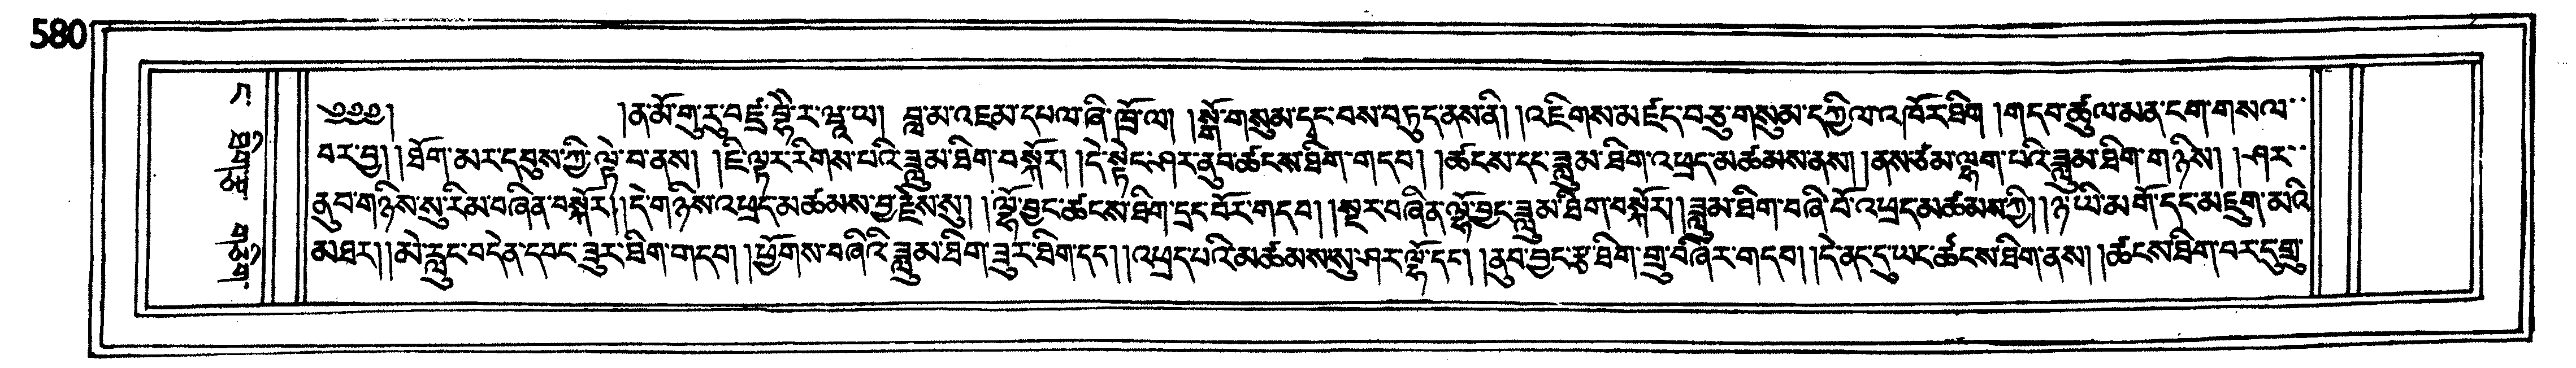༄༅༅། །ན་མོ་གུ་རུ་བཛྲ་བྷཻ་ར་ཝའ་ཡ། བླ་མ་འཇམ་དཔལ་ཞི་ཁྲོ་ལ། །སྒོ་གསུམ་དྭང་བས་བཏུད་ནས་ནི། །འཇིགས་མདད་བཅུ་གསུམ་དཀྱིལ་འཁོར་ཐིག །གདབ་ཚུལ་མན་ངག་གསལ་་་
བར་བྱ། །ཐོག་མར་དབུས་ཀྱི་ལྟེ་བ་ནས། །ཇི་ལྟར་རིགས་པའི་ཟླུམ་ཐིག་བསྐོར། །དེ་སྟེང་ཤར་ནུབ་ཚངས་ཐིག་གདབ། །ཚངས་དང་ཟླུམ་ཐིག་འཕྲད་མཚམས་ནས། །ནས་ཙམ་ལྷག་པའི་ཟླུམ་ཐིག་གཉིས། །ཤར་་་
ནུབ་གཉིས་སུ་རིམ་བཞིན་བསྐོར། །དེ་གཉིས་འཕྲད་མཚམས་བྱ་རྗེས་སུ། །ལྷོ་བྱང་ཚངས་ཐིག་དྲང་བོར་གདབ། །སྔར་བཞིན་ལྷོ་བྱང་ཟླུམ་ཐིག་བསྐོར། །ཟླམ་ཐིག་བཞི་བོ་འཕྲད་མཚམས་ཀྱི། །ཉ་ཡི་མགོ་དང་མཇུག་མའི་
མཐར། །མེ་རླུང་བདེན་དབང་ཟུར་ཐིག་གདབ། །ཕྱོགས་བཞིའི་ཟླུམ་ཐིག་ཟུར་ཐིག་དང་། །འཕྲད་པའི་མཚམས་སུ་ཤར་ལྷོ་དང་། །ནུབ་བྱང་རྩ་ཐིག་གྲུ་བཞིར་གདབ། །དེ་ནང་དུ་ཡང་ཚངས་ཐིག་ནས། །ཚངས་ཐིག་བར་དུ་གྲུ་